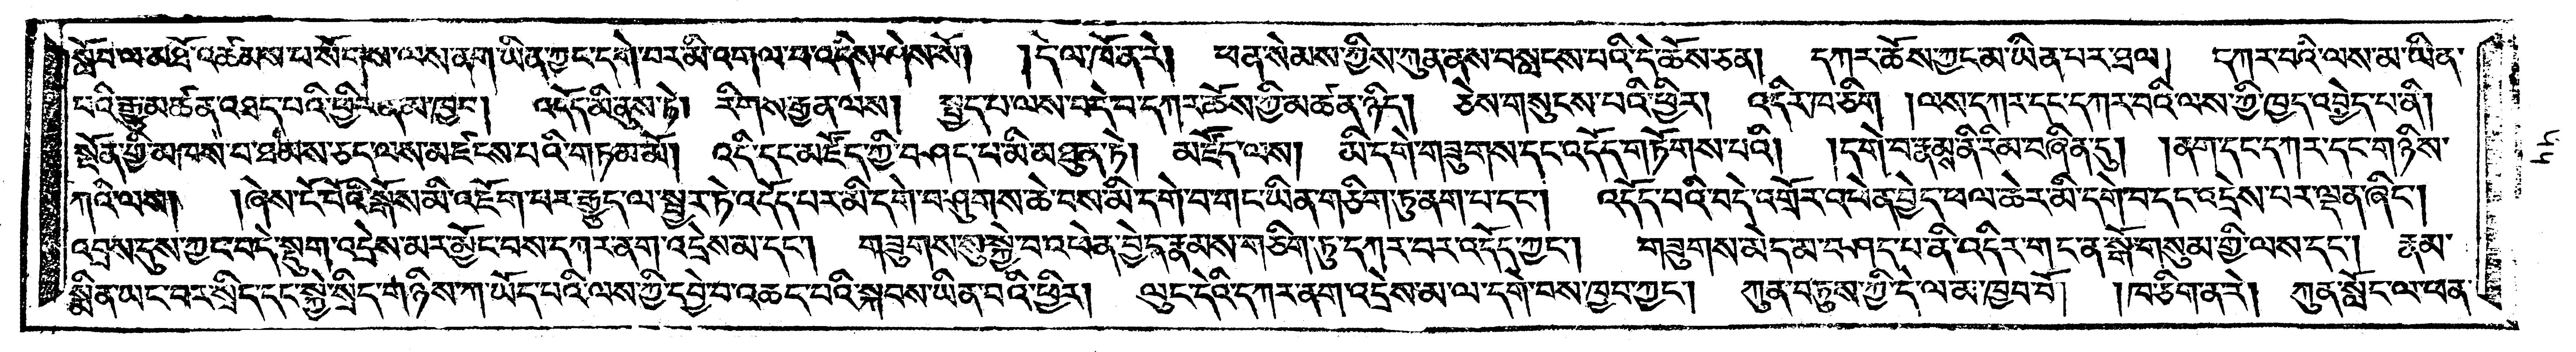སློབ་ལ་མཐོ་འཚམས་པ་སོགས་ལས་ནག་ཡིན་ཀྱང་དགེ་བར་མི་འགལ་བ་འདིས་ཤེས་སོ། །དེ་ལ་ཁོ་ན་རེ། ཕན་སེམས་ཀྱིས་ཀུན་ནས་བསླངས་པའི་དེ་ཆོས་ཅན། དཀར་ཆོས་ཀྱང་མ་ཡིན་པར་ཐལ། དཀར་བའི་ལས་མ་ཡིན་
པའི་རྒྱུ་མཚན་འཐད་པའི་ཕྱིར་ན་མ་ཁྱབ། འདོད་མི་ནུས་ཏེ། རིགས་རྒྱན་ལས། སྤྱད་པ་ལས་བདེ་བ་དཀར་ཆོས་ཀྱི་མཚན་ཉིད། ཅེས་གསུངས་པའི་ཕྱིར། འདིར་ཁ་ཅིག །ལས་དཀར་དང་དཀར་བའི་ལས་ཀྱི་ཁྱད་འབྱེད་པ་ནི།
སྔོན་གྱི་མཁས་པ་ཐམས་ཅད་ལས་མཛངས་པའི་གཏམ་མོ། འདི་དང་མཛོད་ཀྱི་བཤད་པ་མི་མཐུན་ཏེ། མཛོད་ལས། མི་དགེ་གཟུགས་དང་འདོད་གཏོགས་པའི། །དགེ་བ་རྣམས་ནི་རིམ་བཞིན་དུ། །ནག་དང་དཀར་དང་གཉིས་
ཀའི་ལས། །ཞེས་ངོ་བོའི་སོགས་མི་འཇོག་པར་རྒྱུད་ལ་སྦྱར་ཏེ་འདོད་པར་མི་དགེ་བ་ཤུགས་ཆེ་བས་མི་དགེ་བ་གང་ཡིན་གཅིག་ཏུ་ནག་པ་དང་། འདོད་བའི་བདེ་འགྲོར་འཕེན་བྱེད་ཕལ་ཆེར་མི་དགེ་བ་དང་འདྲེས་པར་ལྡན་ཞིང་།
འབྲས་དུས་ཀྱང་བདེ་སྡུག་འདྲེས་མར་མྱོང་བས་དཀར་ནག་འདྲེས་མ་དང་། གཟུགས་སུ་སྐྱེ་བ་འཕེན་བྱེད་རྣམས་གཅིག་ཏུ་དཀར་བར་འདོད་ཀྱང་། གཟུགས་མེད་མ་བཤད་པ་ནི་འདིར་གང་ན་སྒོ་གསུམ་གྱི་ལས་དང་། རྣམ་
སྨིན་ཡང་བར་སྲིད་དང་སྐྱེ་སྲིད་གཉིས་ཀ་ཡོད་པའི་ལས་ཀྱི་དབྱེ་བ་འཆད་པའི་སྐབས་ཡིན་པའི་ཕྱིར། ལུང་དེའི་དཀར་ནག་འདྲེས་མ་ལ་དགེ་བས་ཁྱབ་ཀྱང་། ཀུན་བཏུས་ཀྱི་དེ་ལ་མ་ཁྱབ་བོ། །ཁ་ཅིག་ན་རེ། ཀུན་སློང་ལ་ཕན་